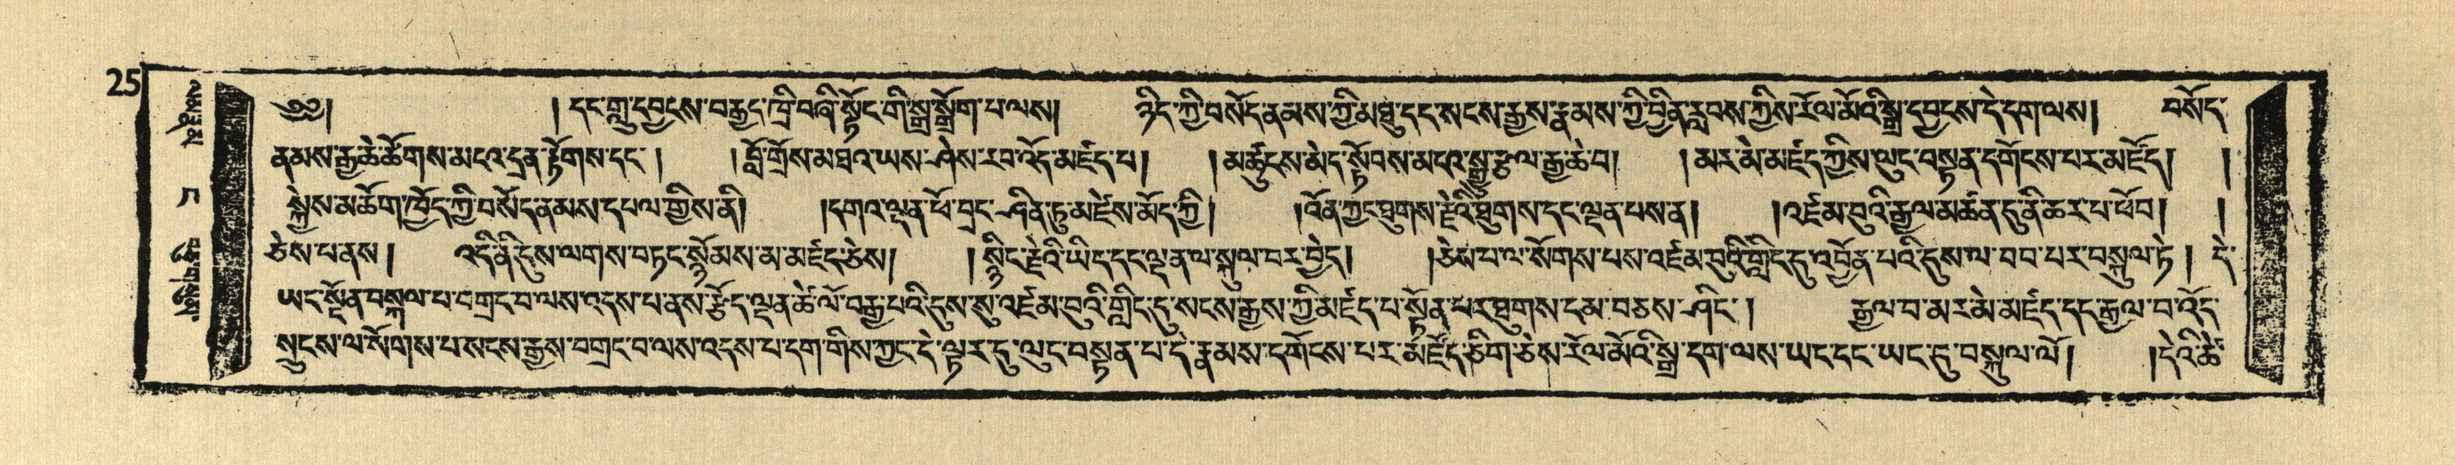༄༅། །དང་གླུ་དབྱངས་བརྒྱད་ཁྲི་བཞི་སྟོང་གི་སྒྲ་སྒྲོག་པ་ལས། ཉིད་ཀྱི་བསོད་ནམས་ཀྱི་མཐུ་དང་སངས་རྒྱས་རྣམས་ཀྱི་བྱིན་རླབས་ཀྱིས་རོལ་མོའི་སྒྲ་དབྱངས་དེ་དག་ལས། བསོད་
ནམས་རྒྱ་ཆེ་ཚོགས་མངའ་དྲན་རྟོགས་དང་། །བློ་གྲོས་མཐའ་ཡས་ཤེས་རབ་འོད་མཛད་པ། །མཚུངས་མེད་སྟོབས་མངའ་སྒྱུ་རྩལ་རྒྱ་ཆེ་བ། །མར་མེ་མཛད་ཀྱིས་ལུང་བསྟན་དགོངས་པར་མཛོད། །
སྐྱེས་མཆོག་ཁྱོད་ཀྱི་བསོད་ནམས་དཔལ་གྱིས་ནི། །དགའ་ལྡན་ཕོ་བྲང་ཤིན་ཏུ་མཛེས་མོད་ཀྱི། །འོན་ཀྱང་ཐུགས་རྗེའི་ཐུགས་དང་ལྡན་པས་ན། །འཛམ་བུའི་རྒྱལ་མཚན་དུ་ནི་ཆར་པ་ཕོབ། །
ཅེས་པ་ནས། འདི་ནི་དུས་ལགས་བཏང་སྙོམས་མ་མཛད་ཅེས། །སྙིང་རྗེའི་ཡིད་དང་ལྡན་ལ་སྐུལ་བར་བྱེད། །ཅེས་པ་ལ་སོགས་པས་འཛམ་བུའི་གླིང་དུ་འབྱོན་པའི་དུས་ལ་བབ་པར་བསྐུལ་ཏེ། དེ་
ཡང་སྔོན་བསྐལ་པ་བགྲང་བ་ལས་འདས་པ་ནས་རྩོད་ལྡན་ཚེ་ལོ་བརྒྱ་པའི་དུས་སུ་འཛམ་བུའི་གླིང་དུ་སངས་རྒྱས་ཀྱི་མཛད་པ་སྟོན་པར་ཐུགས་དམ་བཅས་ཤིང་། རྒྱལ་བ་མར་མེ་མཛད་དང་རྒྱལ་བ་འོད་
སྲུངས་ལ་སོགས་པ་སངས་རྒྱས་བགྲང་བ་ལས་འདས་པ་དག་གིས་ཀྱང་དེ་ལྟར་དུ་ལུང་བསྟན་པ་དེ་རྣམས་དགོངས་པར་མཛོད་ཅིག་ཅེས་རོལ་མོའི་སྒྲ་དག་ལས་ཡང་དང་ཡང་དུ་བསྐུལ་ལོ། །དེའི་ཚེ་